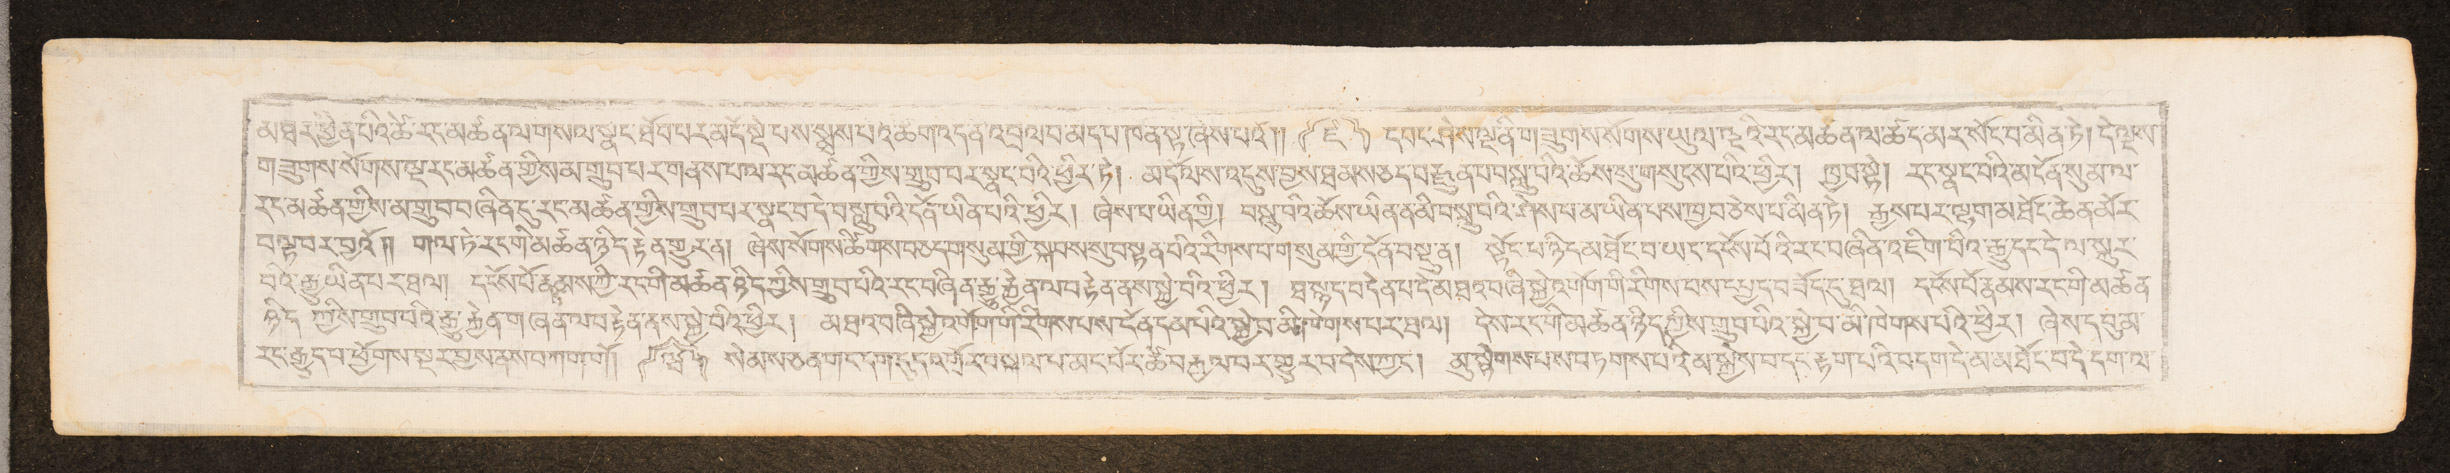མཐར་ཕྱིན་པའི་ཚེ་རང་མཚན་ལ་གསལ་སྣང་ཐོབ་པར་མདོ་སྡེ་པས་སྨྲས་པའི་ཚིག་འདི་ནི་འབྲེལ་བ་མེད་པ་ཁོ་ན་སྟེ་ཞེས་པའོ།། ༼༽ཛ༼༽ དབང་ཤེས་ལྔ་ནི་གཟུགས་སོགས་ཡུལ་ལྔའི་རང་མཚན་ལ་ཚད་མར་སོང་བ་མིན་ཏེ། དེ་ལྔས་
གཟུགས་སོགས་ལྔ་རང་མཚན་གྱིས་མ་གྲུབ་པར་གནས་པལ་རང་མཚན་གྱིས་གྲུབ་བར་སྣང་བའི་ཕྱིར་ཏེ། མདོ་ལས་འདུས་བྱས་ཐམས་ཅད་བརྫུན་བ་བསླུ་བའི་ཆོས་སུ་གསུངས་པའི་ཕྱིར། ཁྱབ་སྟེ། རང་སྣང་བའི་མངོན་སུམ་ལ་
རང་མཚན་གྱིས་མགྲུབ་བཞིན་དུ་རང་མཚན་གྱིས་གྲུབ་པར་སྣང་བ་དེ་བསླུ་བའི་དོན་ཡིན་པའི་ཕྱིར། ཞེས་པ་ཡིན་གྱི། བསླུ་བའི་ཆོས་ཡིན་ན་མི་བསླུ་བའི་ཤེས་པ་མ་ཡིན་པས་ཁྱབ་ཅེས་པ་མིན་ཏེ། རྒྱས་པར་ལྷག་མཐོང་ཆེན་མོར་
བལྟ་བར་བྱའོ།། གལ་ཏེ་རང་གི་མཚན་ཉིད་རྟེན་གྱུར་ན། ཞེས་སོགས་ཚིགས་བཅད་གསུམ་གྱི་སྐབས་སུ་བསྟན་པའི་རིགས་པ་གསུམ་གྱི་དོན་བསྡུ་ན། སྟོང་པ་ཉིད་མཐོང་བ་ཡང་དངོས་པོའི་རང་བཞིན་འཇིག་པའི་རྒྱུ་དང་དེ་ལ་སྐུར་
བའི་རྒྱུ་ཡིན་པར་ཐལ། དངོས་པོ་རྣམས་ཀྱི་རང་གི་མཚན་ཉིད་ཀྱིས་གྲུབ་པའི་རང་བཞིན་རྒྱུད་རྐྱེན་ལ་བརྟེན་ནས་སྐྱེ་བའི་ཕྱིར། ཐ་སྙད་བདེན་པ་དེ་མཐའ་བཞི་སྐྱེ་འགོག་གི་རིགས་པས་དཔྱད་བཟོད་དུ་ཐལ། དངོས་པོ་རྣམས་རང་གི་མཚན་
ཉིད་ཀྱིས་གྲུབ་པའི་རྒྱུ་རྐྱེན་གཞན་ལ་བརྟེན་ནས་སྐྱེ་བའི་ཕྱིར་།མཐའ་བཞི་སྐྱེ་འགོག་གི་རིགས་པས་དོན་དམ་པའི་སྐྲ་བ་མི་ཀེགས་པར་ཐལ། དེས་རང་གི་མཚན་ཉིད་ཀྱིས་གྲུབ་པའི་སྐྱེ་བ་མི་ཁེགས་པའི་ཕྱིར། ཞེས་དབུ་མ་
རང་རྒྱུད་པ་ཕྱོགས་སྔར་བྱས་ནས་བཀག་གོ། ༼༽ཝ༼༽ སེམས་ཅན་གང་དག་དུད་འགྲོར་བསྐལ་པ་མང་པོར་ཚེ་བརྐྱལ་བར་གྱུར་བ་དེས་ཀྱང་། མུ་སྟེགས་པས་བཏགས་པའི་མ་སྐྱེས་བ་དང་རྟག་པའི་བདག་དེ་མ་མཐོང་བདེ་དགལ་